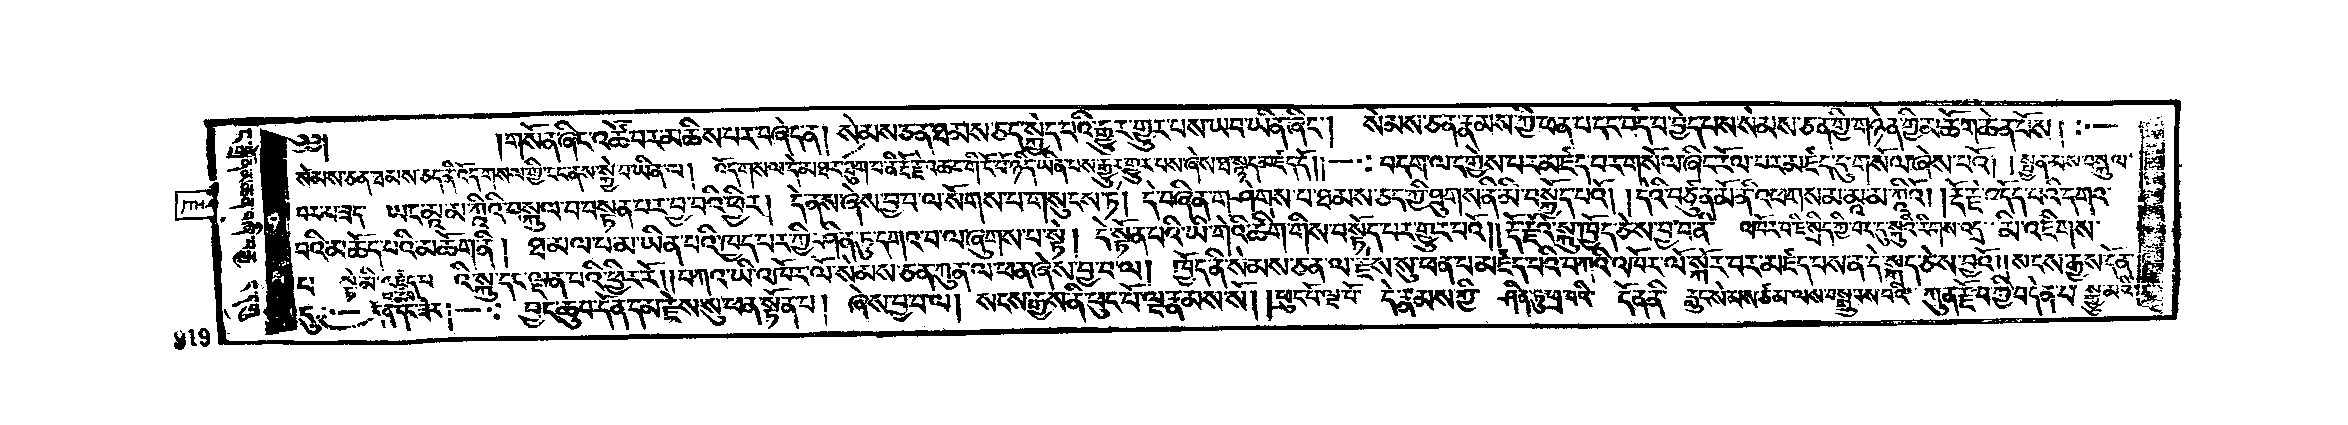༄༅། །གསོན་ཞིང་འཚེ་བར་མཆིས་པར་བཞེད་ན། སེམས་ཅན་ཐམས་ཅད་སྐྱེད་པའི་རྒྱུར་གྱུར་པས་ཡབ་ཡིན་ཞིང་། སེམས་ཅན་རྣམས་ཀྱི་ཕན་པ་དང་བདེ་བ་བྱེད་པས་སེམས་ཅན་གྱི་གཉེན་གྱི་མཆོག་ཆེན་པོས།
སེམས་ཅན་ཐམས་ཅད་ནི་འོད་གསལ་གྱི་ངང་ནས་སྐྱེ་བ་ཡིན་ལ། འོད་གསལ་དེ་མཐར་ཐུག་པ་ནི་རྡོ་རྗེ་འཆང་གི་ངོ་བོ་ཉིད་ཡིན་པས་རྒྱུར་གྱུར་པས་ཞེས་ཐ་སྙད་མཛད་དོ།། བདག་ལ་དགྱེས་པར་མཛད་པར་གསོལ་ཞིང་རོལ་པར་མཛད་དུ་གསོལ་ཞེས་པའོ། །སྤྱན་མས་བསྐུལ་
བར་མ་ཟད་ཡང་མཱ་མ་ཀཱིའི་བསྐུལ་བ་བསྟན་པར་བྱ་བའི་ཕྱིར། དེ་ནས་ཞེས་བྱ་བ་ལ་སོགས་པ་གསུངས་ཏེ། དེ་བཞིན་གཤེགས་པ་ཐམས་ཅད་ཀྱི་ཐུགས་ནི་མི་བསྐྱོད་པའོ། །དེའི་བཙུན་མོ་ནི་འཕགས་མ་མཱ་མ་ཀཱིའོ། །རྡོ་རྗེ་འདོད་པའི་དགའ་
བའི་མཆོད་པའི་མཆོག་ནི། ཐ་མལ་པ་མ་ཡིན་པའི་ཁྱད་པར་ཀྱི་ཤིན་ཏུ་དགའ་བ་ལ་ཞུགས་པ་སྟེ། དེ་སྟོན་པའི་ཡི་གེའི་ཚིག་གིས་བསྟོད་པར་གྱུར་པའོ། །རྡོ་རྗེའི་སྐུ་ཁྱོད་ཅེས་བྱ་བ་ནི་འཁོར་བ་ཇི་སྲིད་ཀྱི་བར་དུ་སྐུའི་རིགས་འདྲ་མི་འཇིགས་
པ་སྟེ་མི་འཛད་པའི་སྐུ་དང་ལྡན་པའི་ཕྱིར་རོ། །བཀའ་ཡི་འཁོར་ལོ་སེམས་ཅན་ཀུན་ལ་ཕན་ཞེས་བྱ་བ་ལ། ཁྱོད་ནི་སེམས་ཅན་ལ་རྗེས་སུ་ཕན་པ་མཛད་པའི་བཀའི་འཁོར་ལོ་སྐོར་བར་མཛད་པས་ན་དེ་སྐད་ཅེས་བྱའོ། །སངས་རྒྱས་དོན་
དུ་པ་ཚབ་དོན་དང་ཟེར།  བྱང་ཆུབ་དོན་དམ་རྗེས་སུ་ཕན་སྟོན་པ། ཞེས་བྱ་བ་ལ། སངས་རྒྱས་ནི་ཕུང་པོ་ལྔ་རྣམས་སོ། །ཕུང་པོ་ལྔ་པོ་དེ་རྣམས་ཀྱི་ཤིན་ཏུ་ཕྲ་བའི་དོན་ནི་རླུང་སེམས་ཙམ་ལས་བསྒྲུབས་པའི་ཀུན་རྫོབ་ཀྱི་བདེན་པ་སྒྱུ་མའི་